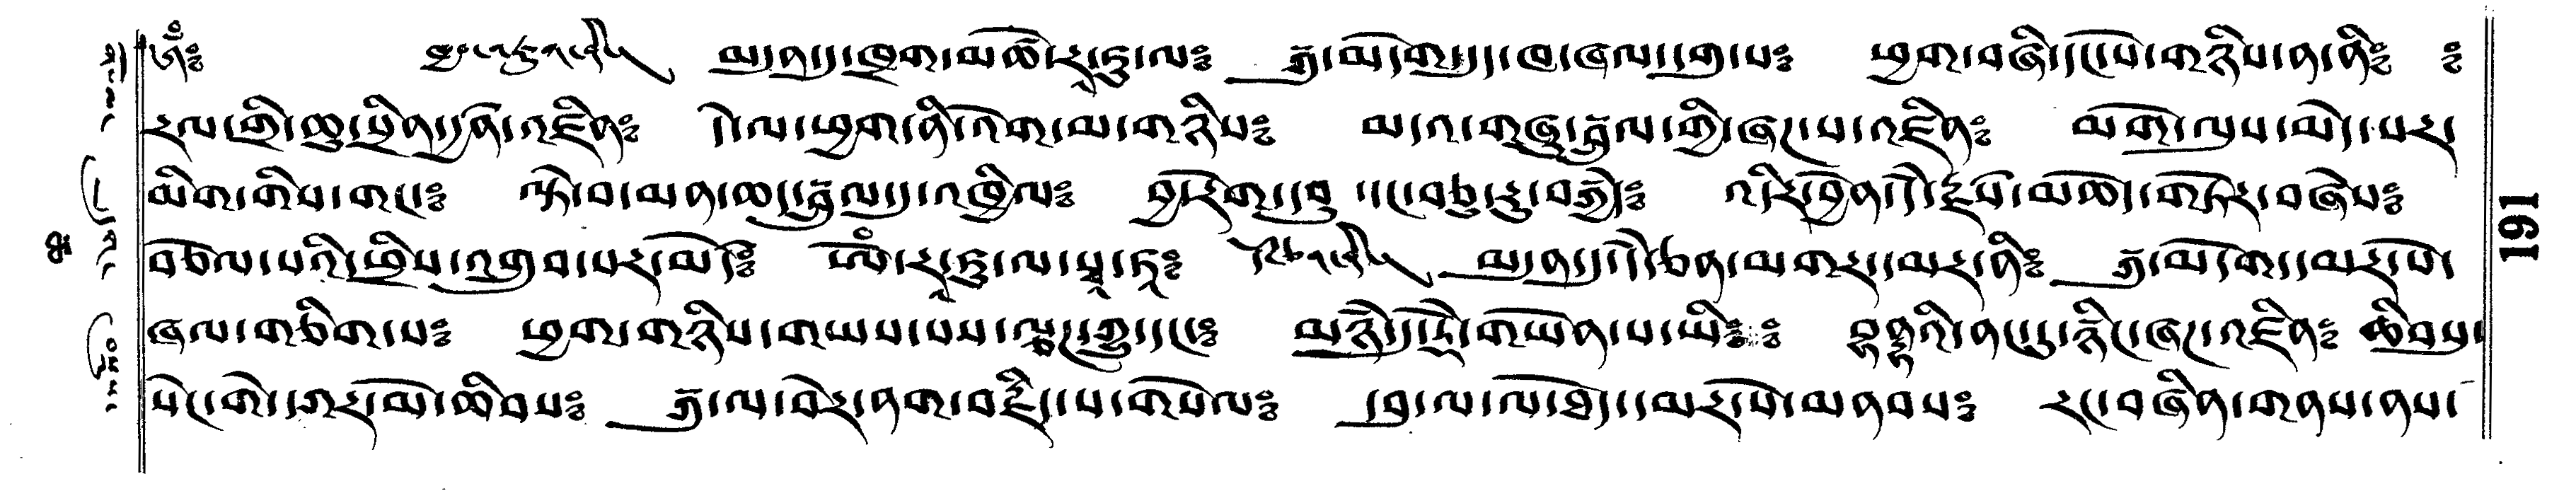ཁྱབ་འཇུག་ནི། མདུན་དུ་ཁྲག་མཚོར་རཱ་ཧུ་ལ༔ སྐུ་མདོག་དུད་ཁ་ཞལ་དགུ་པ༔ ཕྱག་བཞི་དང་པོ་གཉིས་ན་ནི༔ 
རལ་གྲི་ཆུ་སྲིན་རྒྱལ་མཚན་འཛིན༔ དེ་ལ་ཕྱག་ནི་འོག་མ་གཉིས༔ མདའ་གཞུ་སྦྲུལ་གྱི་ཞགས་པ་འཛིན༔ མགོ་ལུས་མེད་པར་
མིག་གིས་གང༔ ལྟེ་བ་མན་ཆད་སྦྲུལ་དུ་འཁྱིལ༔ བྱ་རོག་དབུ་དང་བཅུ་རུ་བསྐྱེད༔ འདིར་བྱོན་དམ་རྫས་མཆོད་གཏོར་བཞེས༔ 
བཅོལ་པའི་ཕྲིན་ལས་འགྲུབ་པར་མཛོད༔ ཨོཾ་རཱ་ཧུ་ལ་སྭ་ཧཱ༔ དམ་ཅན་ནི། མདུན་དུ་དམ་ཅན་མགར་དམར་ནི༔ སྐུ་མདོག་དམར་པོ་
ཞལ་གཅིག་པ༔ ཕྱག་གཉིས་གཡས་པས་ལྕགས་ཀྱུ་དང༔ མཉམ་དུ་རྡོ་རྗེ་གཡོན་པ་ཡི༔ བྷནྡྷའི་ནང་དུ་སྙིང་ཞགས་འཛིན༔ ཆིབས་སུ་
སེང་གེ་དཀར་མོ་ཆིབས༔ སྐུ་ལ་བེར་ནག་བརྗིད་པ་གསོལ༔ དབུ་ལ་ལ་ཐོད་དམར་པོ་མནབས༔ རང་བཞིན་གནས་ནས་